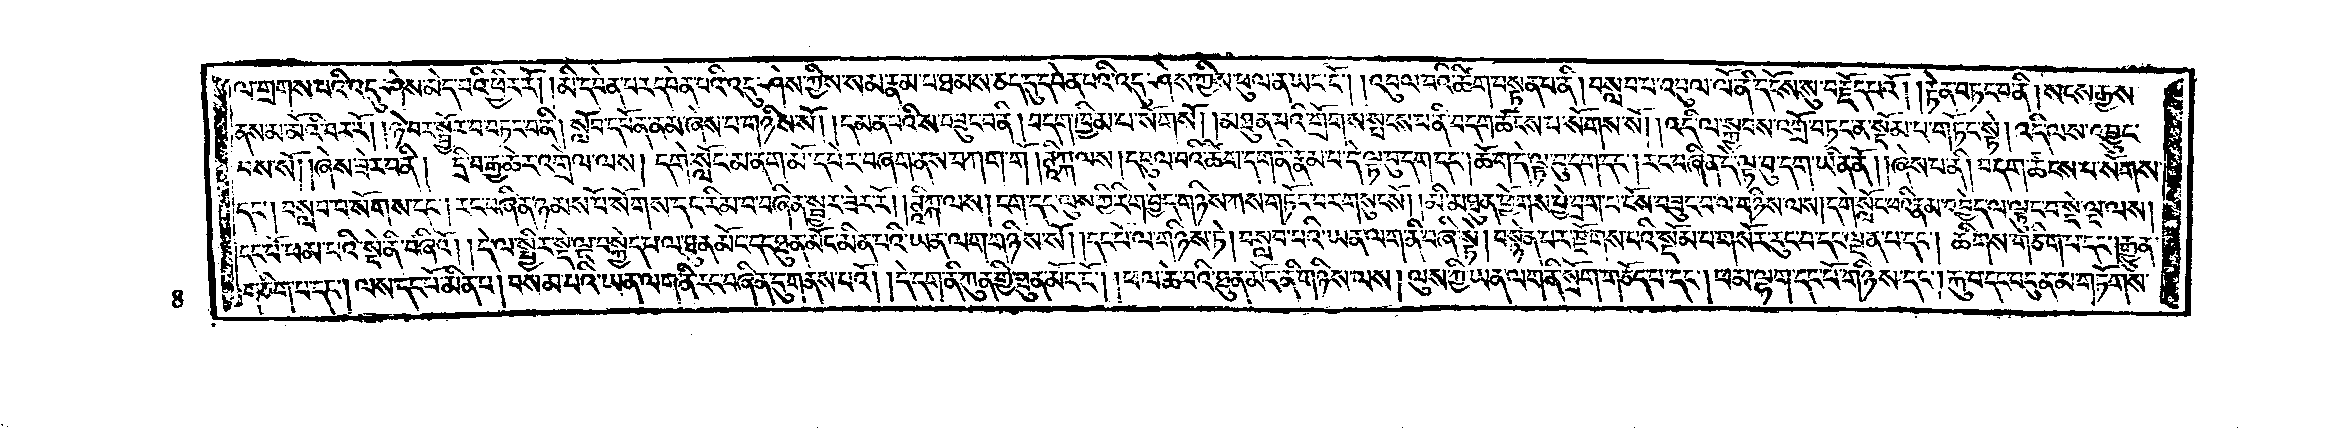ལ་གྲགས་པའི་འདུ་ཤེས་མེད་པའི་ཕྱིར་རོ། །མི་དབེན་པར་དབེན་པའི་འདུ་ཤེས་ཀྱིས་སམ་རྣམ་པ་ཐམས་ཅད་དུ་དབེན་པའི་འདུ་ཤེས་ཀྱིས་ཕུལ་ན་ཡང་ངོ། །འབུལ་བའི་ཚིག་བསྟན་པ་ནི། བསླབ་པ་འབུལ་ལོ་ནི་དངོས་སུ་བརྗོད་པའོ། །རྟེན་བཏང་བ་ནི། སངས་རྒྱས་
ནས་མ་མོའི་བར་རོ། །ཉེ་བར་སྦྱོར་བ་བཏང་བ་ནི། སློབ་དཔོན་ནམ་ཞེས་པ་གཉིས་སོ། །དམན་པའི་ས་བཟུང་བ་ནི། བདག་ཁྱིམ་པ་སོགས་སོ། །མཐུན་པའི་གྲོགས་སྤངས་པ་ནི་བདག་ཚངས་པ་སོགས་སོ། །འདི་ལ་སྐྱབས་འགྲོ་བཏང་ན་སྡོམ་པ་གཏོང་སྟེ། འདི་ལས་འབྱུང་
བས་སོ། །ཞེས་ཟེར་བ་ནི། དྲི་བ་རྒྱ་ཆེར་འགྲེལ་ལས། དགེ་སློང་མ་ནག་མོ་དཔེར་བཞག་ནས་བཀག་གོ །ཊཱིཀྐ་ལས། དབུལ་བའི་ཚིག་དག་ནི་རྣམ་པ་དེ་ལྟ་བུ་དག་དང་། ཆོ་ག་དེ་ལྟ་བུ་དག་དང་། རང་བཞིན་དེ་ལྟ་བུ་དག་ཡིན་ནོ། །ཞེས་པ་ནི། བདག་ཚངས་པ་སོགས་
དང་། བསླབ་པ་སོགས་དང་། རང་བཞིན་ཉམས་པ་སོགས་དང་རིམ་པ་བཞིན་སྦྱར་ཟེར་རོ། །ཊཱིཀྐ་ལས། ངག་དང་ལུས་ཀྱི་རིག་བྱེད་གཉིས་ཀས་གཏོང་བར་གསུངས་སོ། །མི་མཐུན་ཕྱོགས་བྱེ་བྲག་པ་ངོས་བཟུང་བ་ལ་གཉིས་ལས། དགེ་སློང་བའི་རྣམ་འབྱེད་ལ་ལྟུང་བ་སྡེ་ལྔ་ལས།
དང་པོ་ཕམ་པའི་སྡེ་ནི་བཞིའོ། །དེ་ལ་སྤྱིར་སྡེ་ལྔ་བསྐྱེད་པ་ལ་ཐུན་མོང་དང་ཐུན་མོང་མིན་པའི་ཡན་ལག་གཉིས་སོ། །དང་པོ་ལ་གཉིས་ཏེ། བསླབ་པའི་ཡན་ལག་ནི་བཞི་སྟེ། བསྙེན་པར་རྫོགས་པའི་སྡོམ་པ་གསོར་རུང་བ་དང་ལྡན་པ་དང་། ཚིག་གཅིག་པ་དང་། རྒྱུན་
གཅིག་པ་དང་། ལས་དང་པོ་མིན་པ། བསམ་པའི་ཡན་ལག་ནི་རང་བཞིན་དུ་གནས་པའོ། །དེ་དག་ནི་ཀུན་གྱི་ཐུན་མོང་ངོ། །ཕལ་ཆེ་བའི་ཐུན་མོང་ནི་གཉིས་ལས། ལུས་ཀྱི་ཡན་ལག་ནི་སྲོག་གཅོད་པ་དང་། ཕམ་ལྷག་དང་པོ་གཉིས་དང་། རྐུ་བ་དང་བདུན་མ་གཏོགས་